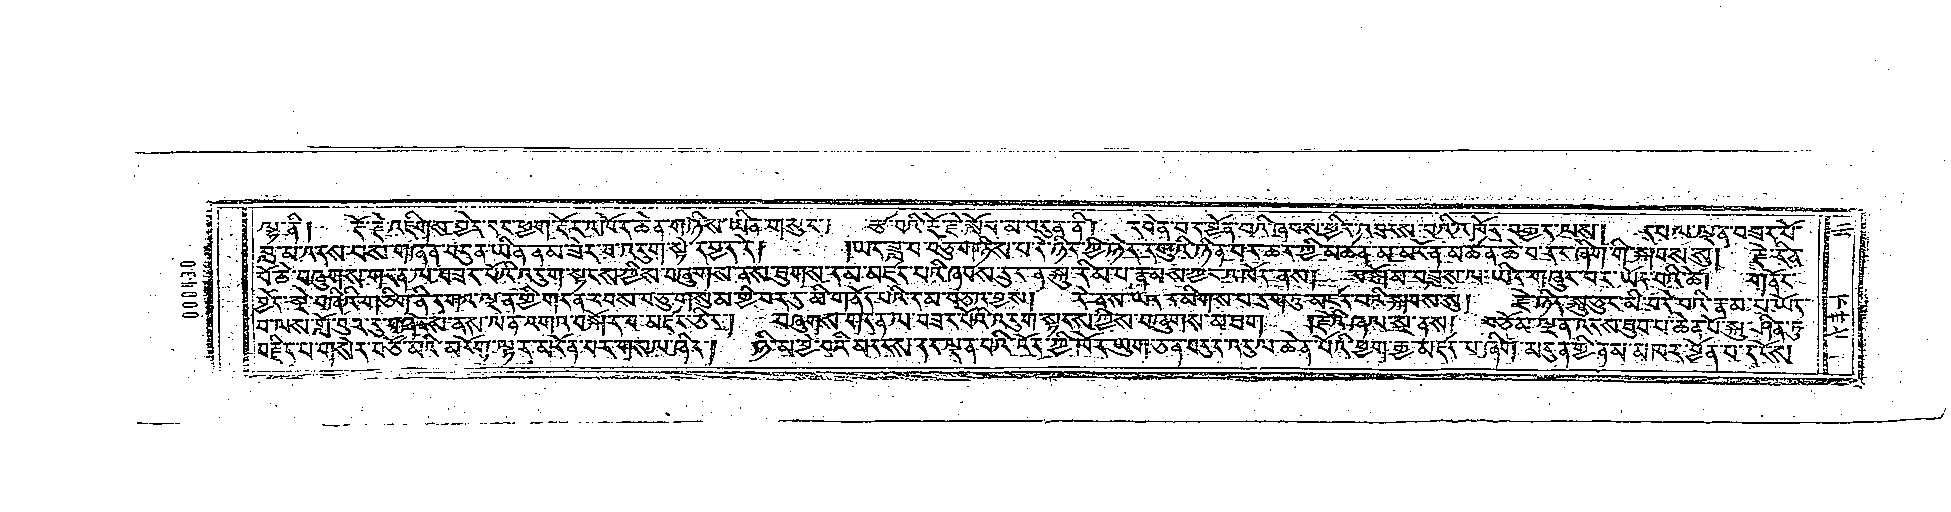ལྷ་ནི། རྡོ་རྗེ་འཇིགས་བྱེད་དང་ཕྱག་རྡོར་འཁོར་ཆེན་གཉིས་ཡིན་གསུང་། རྩ་བའི་རྡོ་རྗེ་སློབ་མ་བདུན་ནི། དབེན་པར་བྱོན་པའི་ཞབས་ཕྱིར་འབྲངས་པའི་འཁོར་བརྒྱད་ལས། དཔལ་ལྡན་བཟང་པོ་
བླ་མ་འདས་པས་གཞན་བདུན་ཡིན་ནམ་ཟེར་བ་འདུག་སྟེ་དབྱད་དེ། །ཡང་ཟླ་བ་བཅུ་གཉིས་པ་དེ་ཉིད་ཀྱི་ཉིན་དགུའི་ཉིན་བར་ཆད་ཀྱི་མཚན་མ་མངོན་མཚན་ཆེ་བ་རང་ཞིག་གི་སྐབས་སུ། རྗེ་རིན་
བོ་ཆེ་བཞུགས་གདན་ལ་བཟང་པོའི་འདུག་སྟངས་ཀྱིས་བཞུགས་ནས་ཐུགས་དམ་མཛད་པའི་ཞབས་དྲུང་ན་སྐུ་རིམ་པ་རྣམས་ཀྱང་འཁོར་ནས། བསྒོམ་བཟླས་ལ་ཡིད་གཞུང་པར་ཡོད་པའི་ཚེ། གནོད་
བྱེད་སྡེ་བཞིའི་གཅིག་ནི་དགའ་ལྡན་གྱི་གདན་རབས་བཅུ་གསུམ་གྱི་བར་དུ་མི་གནོད་པའི་དམ་བཅའ་བྱས། དེ་ནས་ཡང་དམིགས་པ་དྲག་ཏུ་མཛད་པའི་སྐབས་སུ། རྗེ་ཉིད་སྐུ་ཅུང་མི་བདེ་བའི་རྣམ་པ་ཡོད་
པ་ལས་གློ་བུར་དུ་བཞེངས་ནས་ལན་འགའ་བསྐོར་བ་མཛད་ཅིང་། བཞུགས་གདན་ལ་བཟང་པོའི་འདུག་སྟངས་ཀྱིས་བཞུགས་མ་ཐག །རྗེའི་ཞལ་སྔ་ནས། བཅོམ་ལྡན་འདས་ཐུབ་པ་ཆེན་པོ་སྐུ་ཤིན་ཏུ་
བརྗིད་པ་གསེར་བཙོ་མའི་མདོག་ལྟར་མངོན་པར་གསལ་ཞིང་། ཉི་མ་བྱེ་བའི་མདངས་དང་ལྡན་པའི་འོད་ཀྱི་ཁོར་ཡུག་ཅན་བདུད་འདུལ་ཆེན་པོའི་ཕྱག་རྒྱ་མཛད་པ་ཞིག་མདུན་གྱི་ནམ་མཁར་བྱོན་པ་དངོས་